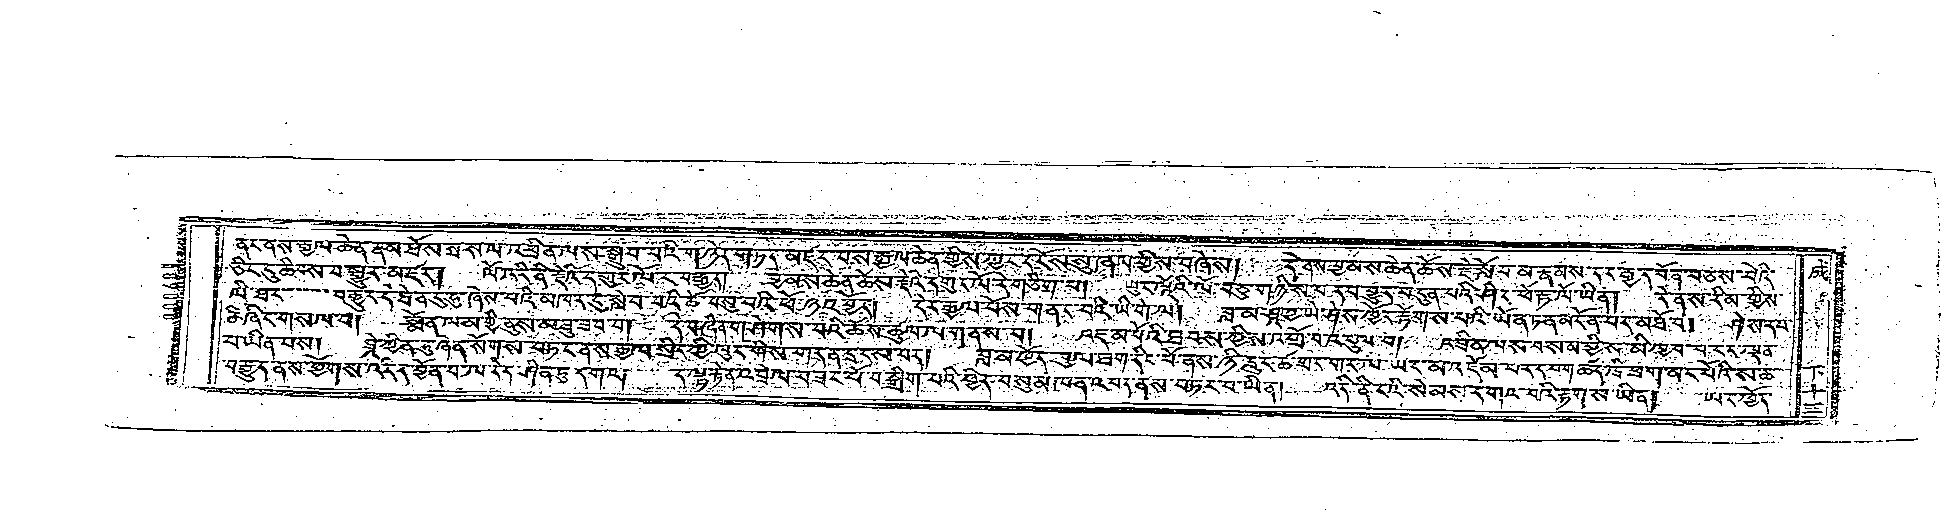ནང་ནས་རྒྱལ་ཆེན་རྣམ་ཐོས་སྲས་ལ་འཕྲིན་ལས་སྒྲུབ་པའི་གཉེར་གཏད་མཛད་པས་རྒྱལ་ཆེན་གྱིས་ཀྱང་དངོས་སུ་ཞལ་གྱིས་བཞེས། དེ་ནས་བྱམས་ཆེན་ཆོས་རྗེ་སློབ་མ་རྣམས་དང་རྒྱ་དཔོན་བཅས་པེའི་
ཅིང་དུ་ཆིབས་བསྒྱུར་མཛད། ལོ་འདི་ནི་རྗེའི་དགུང་ལོ་ང་བརྒྱད། བྱམས་ཆེན་ཆོས་རྗེའི་དགུང་ལོ་རེ་གཅིག་པ། ཡུང་ལOའི་ལོ་བཅུ་གཉིས་པ་རབ་བྱུང་བདུན་པའི་ཤིང་ཕོ་རྟ་ལོ་ཡིན། དེ་ནས་རིམ་གྱིས་
ལི་ཐང་བརྒྱུད་དེ་ཐེན་དུ་ཧུ་ཞེས་པའི་མཁར་དུ་སླེབ་པའི་ཚེ་བསུ་བའི་ཕོ་ཉ་འབྱོར། དེར་རྒྱལ་པོས་གནང་བའི་ཡི་གེ་ལ། བླ་མ་ཤཱཀྱ་ཡེ་ཤེས་ཁྱོད་རྟོགས་པའི་ཡོན་ཏན་མངོན་པར་མཐོ་བ། ཤེས་རབ་
ཆི་ཞིང་གསལ་བ། སྨོན་ལམ་གྱི་ནུས་མཐུ་ཟབ་པ། དེ་བཞིན་གཤེགས་པའི་ཆོས་ཚུལ་ལ་གནས་བ། འཇམ་པོའི་ཐབས་ཀྱིས་འགྲོ་བ་འདུལ་བ། འཕྲིན་ལས་བསམ་གྱིས་མི་ཁྱབ་པ་དང་ལྡན་
པ་ཡིན་པས། ཐE་ཀྱིན་ཧུ་ཞེན་སོགས་བཏང་ནས་རྒྱལ་སྲིད་ཀྱི་ལུང་གིས་གདན་དྲངས་པར། བླ་མ་ཁྱོད་བུལ་ཐག་རིང་པོ་ནས་ཉི་རླུང་ཚ་གྲང་གང་ལ་ཡང་མ་འཛེམ་པར་དཔག་ཚད་ཁྲི་ཕྲག་མང་པོའི་ས་ཆ་
བརྒྱུད་ནས་ཕྱོགས་འདིར་བྱོན་པ་ལ་ངེད་ཤིན་ཏུ་དགའ། ད་ལྟ་རྟེན་འབྲེལ་བཟང་པོ་བསྒྲིག་པའི་ཕྱིར་བསུ་མཁན་འབད་ནས་བཏང་བ་ཡིན། འདི་ནི་ངའི་སེམས་དགའ་བའི་རྟགས་ཡིན། ཡང་ཁྱོད་